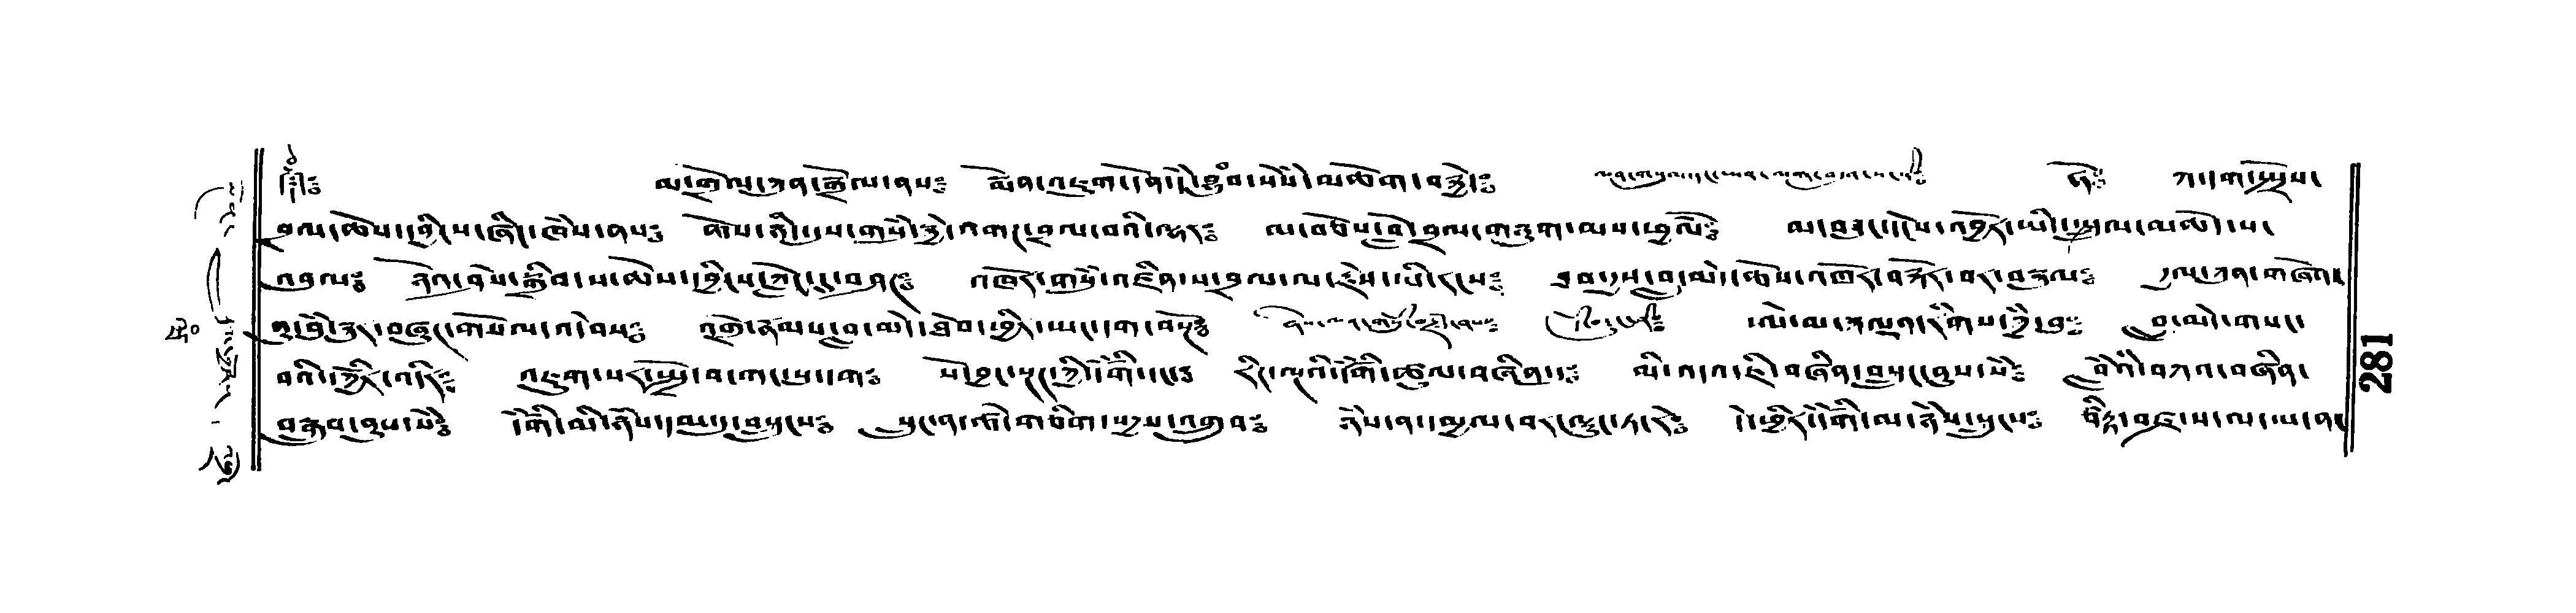མ་གྲོལ་ཀུན་སྒྲོལ་ནས༔ སྨོན་འཇུག་དོན་དམ་བྱང་ཆུབ་སེམས་མཆོག་བསྐྱེད༔ ལན་གསུམ་དང་ཡན་ལག་བདུན་པ་ནི༔ ཧོཿ ཀ་དག་སྤྲོས་
བྲལ་ཆོས་དབྱིངས་ཞིང་ཁམས་ནས༔ ཆོས་ཉིད་དུས་གསུམ་སྐྱེ་འགགས་བྲལ་བའི་ལྷར༔ མ་བཅོས་བློ་བྲལ་གཉུག་མས་ཕྱག་འཚལ་ལོ༔ མ་བཟུང་དངོས་འབྱོར་ཡིད་སྤྲུལ་མཆོད་པ་
འབུལ༔ ཉོན་ཤེས་སྒྲིབ་པ་ཆོས་དབྱིངས་ཀློང་དུ་བཤགས༔ འཁོར་གསུམ་འཛིན་པ་བྲལ་ལ་རྗེས་ཡི་རངས༔ ཐབ་རྒྱས་བླ་མེད་ཆོས་འཁོར་བསྐོར་བར་བསྐུལ༔ རྒྱལ་ཀུན་གཞོན་
ནུ་བུམ་སྐུར་བཞུགས་གསོལ་འདེབས༔ འགྲོ་རྣམས་བླ་མེད་ཐོབ་ཕྱིར་ཡང་དག་བསྔོ༔ ཞེས་ལན་གསུམ་བརྗོད་ནས༔ དམ་བཟུང་ནི༔ ཨེ་མ་སྐལ་ལྡན་རིགས་ཀྱི་བུ༔ བླ་མེད་གསང་
བའི་དཀྱིལ་འཁོར་འདིར༔ འཇུག་པར་སྤྲོ་བ་གང་སུ་དག༔ སོ་བྱང་སྔགས་ཀྱི་དམ་ཚིག་དང༔ རིགས་ལྔའི་དམ་ཚིག་ཚུལ་བཞིན་དུ༔ མི་འདའ་ཇི་བཞིན་བསྲུང་ནུས་སམ༔ བླ་མའི་བཀའ་བཞིན་
བསྒྲུབ་ནུས་སམ༔ དམ་ཚིག་མི་ཉམས་དམ་དུ་བསྲུངས༔ སྲུང་ན་ཚེ་གཅིག་སངས་རྒྱས་འགྲུབ༔ ཉམས་ན་དམྱལ་བར་ལྟུང་ཏ་རེ༔ དེ་ཕྱིར་དམ་ཚིག་མ་ཉམས་སྲུངས༔ཙིཏྟ་བཛྲ་ས་མ་ཡ་ན་